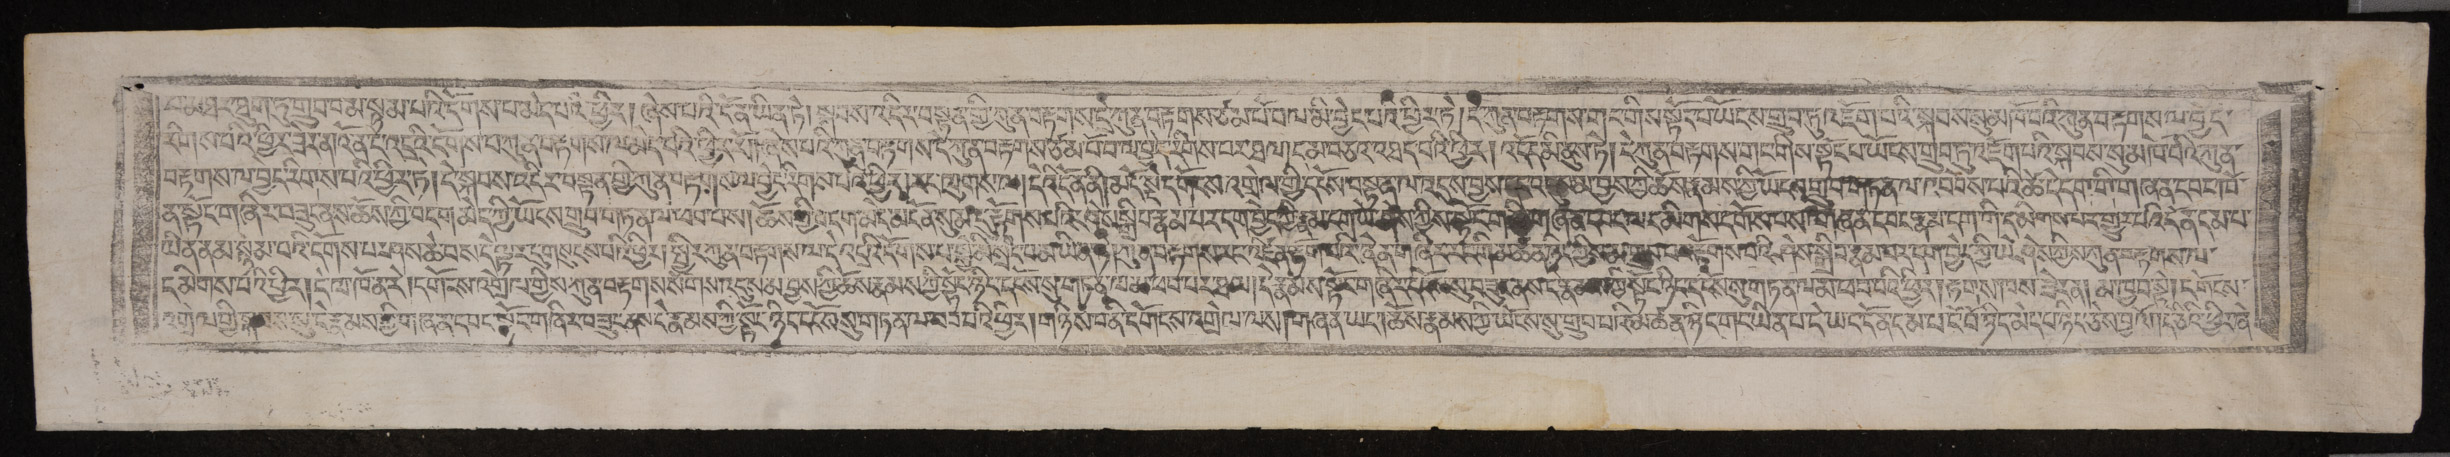པ་མཐར་ཐུག་ཏུ་གྲུབ་བམ་སྙམ་པའི་དོགས་པ་མེད་པའི་ཕྱིར། ཞེས་པའི་དོན་ཡིན་ཏེ། སྐབས་འདིར་བསྟན་གྱི་ཀུན་བརྟགས་དེ་ཀུན་བརྟགས་ཙམ་པོ་བ་ལ་མི་བྱེད་པའི་ཕྱིར་ཏེ། དེ་ཀུན་བརྟགས་གང་གིས་སྟོང་པ་ཡོངས་གྲུབ་ཏུ་འཇོག་པའི་སྐབས་སུ་མཁོ་བའི་ཀུན་བརྟགས་ལ་བྱེད་
རིགས་པའི་ཕྱིར་ཟེར་ན། འོ་ན་དེ་འདྲའི་དོགས་པ་ཀུན་བརྟགས་ལ་མེད་པའི་ཕྱིར་རོ། །ཞེས་པའི་ཀུན་བརྟགས་དེ་ཀུན་བརྟགས་ཙམ་པོ་བ་ལ་བྱེད་རིགས་པར་ཐལ། དམ་བཅའ་འཐད་པའི་ཕྱིར། འདོད་མི་ནུས་ཏེ། དེ་ཀུན་བརྟགས་གང་གིས་སྟོང་པ་ཡོངས་གྲུབ་ཏུ་འཇོག་པའི་སྐབས་སུ་མཁོ་བའི་ཀུན་
བརྟགས་ལ་བྱེད་རིགས་པའི་ཕྱིར་ཏེ། དེ་སྐབས་བདིར་བསྟན་གྱི་ཀུན་བརྟགས་ལ་བྱེད་རིགས་པའི་ཕྱིར། རང་ལུགས་ལ། དེའི་དོན་ནི། མདོ་སྡེ་དགོངས་འགྲེལ་གྱི་དངོས་བསྟན་ལ་འདུས་བྱས་དང་འདུས་མ་བྱས་ཀྱི་ཆོས་རྣམས་ཀྱི་ཡོངས་གྲུབ་གཏན་ལ་འབེབས་པའི་ཚེ་དེ་དག་གི་གཞན་དབང་ཁོ་
ན་སྟོང་གཞིར་བཟུང་ནས་ཆོས་ཀྱི་བདག་མེད་ཀྱི་ཡོངས་གྲུབ་གཏན་ལ་ཕབ་པས། ཆོས་ཀྱི་བདག་མེད་མངོན་སུམ་དུ་རྟོགས་པའི་ཤེས་སྒྲིབ་རྣམ་པར་དག་བྱེད་ཀྱི་རྣམ་དག་ཡེ་ཤེས་ཀྱིས་སྟོང་གཞི་གཞན་དབང་ལ་དམིགས་དགོས་པས། གཞན་དབང་རྣམ་དག་གི་དམིགས་པར་གྱུར་པའི་དོན་དམ་པ་
ཡིན་ནམ་སྙམ་པའི་དོགས་པ་ཤས་ཆེ་བས་དེ་ལྟར་དུ་གསུངས་པའི་ཕྱིར། སྤྱིར་ཀུན་བརྟགས་ལ་དེ་འདྲའི་དོགས་པ་སྐྱེ་མི་སྲིད་པ་མ་ཡིན་ཏེ། ཀུན་བརྟགས་རང་འཛིན་རྟོག་པའི་ཞེན་གཞིར་རང་གི་མཚན་ཉིད་ཀྱིས་མ་གྲུབ་པར་རྟོགས་པའི་ཤེས་སྒྲིབ་རྣམ་པར་དག་བྱེད་ཀྱི་ཡེ་ཤེས་ཀྱིས་ཀུན་བརྟགས་ལ་
དམིགས་པའི་ཕྱིར། དེ་ལ་ཁོ་ན་རེ། དགོངས་འགྲེལ་གྱིས་ཀུན་བརྟགས་སོགས་འདུས་མ་བྱས་ཀྱི་ཆོས་རྣམས་ཀྱི་སྟོང་ཉིད་དངོས་སུ་གཏན་ལ་མ་ཕབ་པར་ཐལ། དེ་རྣམས་སྟོང་གཞིར་དངོས་སུ་བཟུང་ནས་དེ་རྣམས་ཀྱི་སྟོང་ཉིད་དངོས་སུ་གཏན་ལ་མ་ཕབ་པའི་ཕྱིར། རྟགས་ཁས་ཟེར་ན། མ་ཁྱབ་སྟེ། དགོངས་
འགྲེལ་གྱི་སྐབས་སུ་དེ་རྣམས་ཀྱི་གཞན་དབང་སྟོང་གཞིར་བཟུང་ནས་དེ་རྣམས་ཀྱི་སྟོང་ཉིད་དངོས་སུ་གཏན་ལ་ཕབ་པའི་ཕྱིར། གཉིས་པ་ནི་དགོངས་འགྲེལ་ལས། གཞན་ཡང་། ཆོས་རྣམས་ཀྱི་ཡོངས་སུ་གྲུབ་པའི་མཚན་ཉིད་གང་ཡིན་པ་དེ་ཡང་དོན་དམ་པ་ངོ་བོ་ཉིད་མེད་པ་ཉིད་ཅིས་བྱའོ། །དེ་ཅིའི་ཕྱིར་ཞེ་